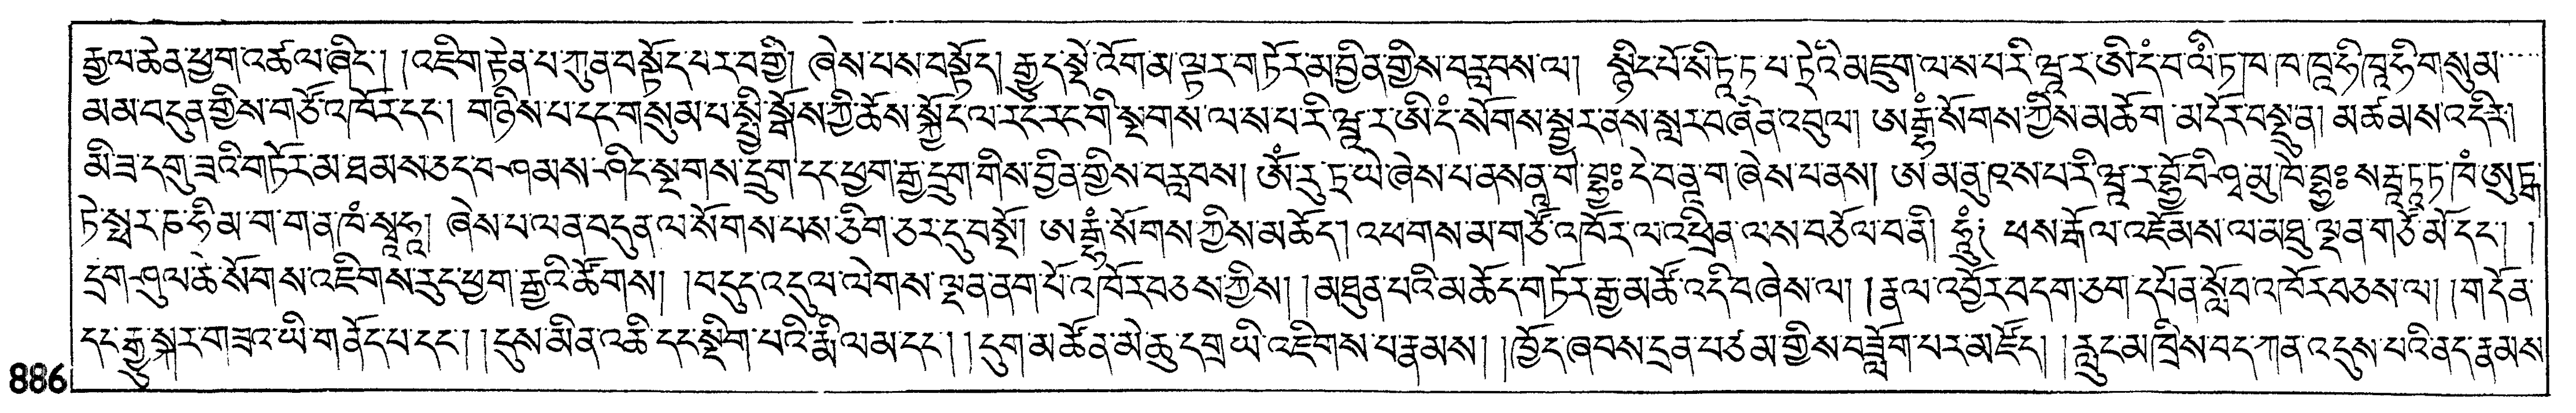རྒྱལ་ཆེན་ཕྱག་འཚལ་ཞིང་། །འཇིག་རྟེན་པ་ཀུན་བསྟོད་པར་བགྱི། ཞེས་པས་བསྟོད། རྒྱུད་སྡེ་འོག་མ་ལྟར་གཏོར་མ་བྱིན་གྱིས་བརླབས་ལ། སྙིང་པོ་སི་ཏཱ་ཏ་པ་ཏྲེའི་མཇུག་ལ་ས་པ་རི་ཝཱ་ར་ཨི་དཾ་བ་ལིཾ་ཏ་ཁ་ཁ་ཁཱ་ཧི་ཁཱ་ཧི་གསུམ་
མམ་བདུན་གྱིས་གཙོ་འཁོར་དང་། གཉིས་པ་དང་གསུམ་པ་སྤྱི་སྒོས་ཀྱི་ཆོས་སྐྱོང་ལ་རང་རང་གི་སྔགས་ལ་ས་པ་རི་ཝཱ་ར་ཨི་དཾ་སོགས་སྦྱར་ནས་སླར་བཞིན་འབུལ། ཨརྒྷཾ་སོགས་ཀྱིས་མཆོག་མདོར་བསྡུ་ན། མཚམས་འདིར།
མི་ཟ་དགུ་ཟའི་གཏོར་མ་ཐམས་ཅད་བཤམས་ཤིང་སྔགས་དྲུག་དང་ཕྱག་རྒྱ་དྲུག་གིས་བྱིན་གྱིས་བརླབས། ཨོཾ་རུ་ཏྲ་ཡེ་ཞེས་པ་ནས་ནཱ་གེ་བྷྱཿ དེ་བ་ནཱ་ག་ཞེས་པ་ནས། ཨ་མ་ནུ་ཥ་ས་པ་རི་ཝཱ་ར་བྷྱོ་བི་ཤྭ་མུ་ཁེ་བྷྱཿ སརྦཱ་ཏཱ་ཏ་ཁཾ་ཨུཏྒ་
ཏེ་སྥར་ཎ་ཧི་མ་ག་ག་ན་ཁཾ་སྭཱཧཱ། ཞེས་པ་ལན་བདུན་ལ་སོགས་པས་ཅིག་ཅར་དུ་བསྔོ། ཨརྒྷཾ་སོགས་ཀྱིས་མཆོད། འཕགས་མ་གཙོ་འཁོར་ལ་འཕྲིན་ལས་བཅོལ་བ་ནི། ཧཱུཾ༑ ཕས་རྒོལ་འཇོམས་ལ་མཐུ་ལྡན་གཙོ་མོ་དང་། །
དྲག་ཤུལ་ཆེ་སོགས་འཇིགས་རུང་ཕྱག་རྒྱའི་ཚོགས། །བདུད་འདུལ་ལེགས་ལྡན་ནག་པོ་འཁོར་བཅས་ཀྱིས། །མཐུན་པའི་མཆོད་གཏོར་རྒྱ་མཚོ་འདི་བཞེས་ལ། །རྣལ་འབྱོར་བདག་ཅག་དཔོན་སློབ་འཁོར་བཅས་ལ། །གདོན་
དང་རྒྱུ་སྐར་གཟའ་ཡི་གནོད་པ་དང་། །དུས་མིན་འཆི་དང་སྡིག་པའི་རྨི་ལམ་དང་། །དུག་མཚོན་མེ་ཆུ་དགྲ་ཡི་འཇིགས་པ་རྣམས། །ཁྱོད་ཞབས་དྲན་པ་ཙམ་གྱིས་བཟློག་པར་མཛོད། །རླུང་མཁྲིས་བད་ཀན་འདུས་པའི་ནད་རྣམས་